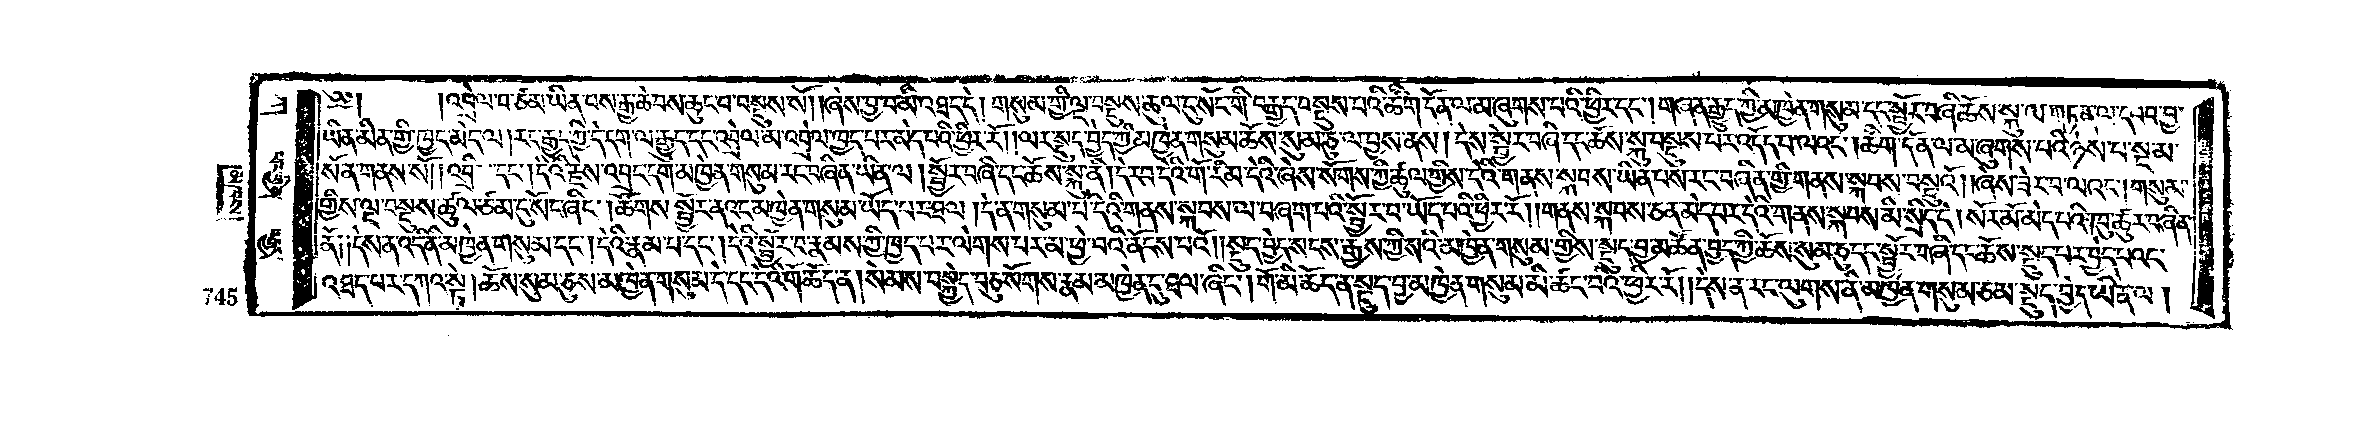༄༅། །འབྲེལ་བ་ཙམ་ཡིན་པས་རྒྱ་ཆེ་བས་ཆུང་བ་བསྡུས་སོ། །ཞེས་བྱ་བ་མི་འཐད་དེ། གསུམ་གྱི་ལྔ་བསྡུས་ཚུལ་དུ་སོང་གི་བརྒྱད་བསྡུས་པའི་ཚིག་དོན་ལ་མ་ཞུགས་པའི་ཕྱིར་དང་། གཞན་རྒྱུད་ཀྱི་མཁྱེན་གསུམ་དང་སྦྱོར་བཞི་ཆོས་སྐུ་ལ་གཏན་ལ་དབབ་བྱ་
ཡིན་མིན་གྱི་ཁྱད་མེད་ལ། རང་རྒྱུད་ཀྱི་དེ་དག་ལ་རྒྱུད་དང་འབྲེལ་མ་འབྲེལ་ཁྱད་པར་མེད་པའི་ཕྱིར་རོ། །ལར་སྡུད་བྱེད་ཀྱི་མཁྱེན་གསུམ་ཆོས་སུམ་ཅུ་ལ་བྱས་ནས། དེས་སྦྱོར་བཞི་དང་ཆོས་སྐུ་བསྡུས་པར་འདོད་པ་ལའང་། ཚིག་དོན་ལ་མ་ཞུགས་པའི་ཉེས་པ་སྔ་མ་
སོ་ན་གནས་སོ། །འབྲི་དང་། དེའི་རྗེས་འབྲང་དག་མཁྱེན་གསུམ་རང་བཞིན་ཡིན་ལ། སྦྱོར་བཞི་དང་ཆོས་སྐུ་ནི། དེ་རབ་དེའི་གོ་རིམ་དེའི་ཞེས་སོགས་ཀྱི་ཚུལ་གྱིས་དེའི་གནས་སྐབས་ཡིན་པས་རང་བཞིན་གྱི་གནས་སྐབས་བསྡུའོ། །ཞེས་ཟེར་བ་ལའང་། གསུམ་
གྱིས་ལྔ་བསྡུས་ཚུལ་ཙམ་དུ་སོང་ཞིང་། ཚོགས་སྦྱོར་ནའང་མཁྱེན་གསུམ་ཡོད་པར་ཐལ། དེ་ན་གསུམ་པོ་དེའི་གནས་སྐབས་ལ་བཞག་པའི་སྦྱོར་བ་ཡོད་པའི་ཕྱིར་རོ། །གནས་སྐབས་ཅན་མེད་པར་དེའི་གནས་སྐབས་མི་སྲིད་དེ། སོར་མོ་མེད་པའི་ཁུ་ཚུར་བཞིན་
ནོ། །དེས་ན་འདི་ནི་མཁྱེན་གསུམ་དང་། དེའི་རྣམ་པ་དང་། དེའི་སྦྱོར་བ་རྣམས་ཀྱི་ཁྱད་པར་ལེགས་པར་མ་ཕྱེ་བའི་ནོངས་པའོ། །སྡུད་བྱེད་སངས་རྒྱས་ཀྱི་སའི་མཁྱེན་གསུམ་གྱིས་སྡུད་བྱ་མཚོན་བྱེད་ཀྱི་ཆོས་སུམ་ཅུ་དང་སྦྱོར་བཞི་དང་ཆོས་སྡུད་པར་བྱེད་པའང་
འཐད་པར་དཀའ་སྟེ། ཆོས་སུམ་ཅུས་མཁྱེན་གསུམ་དེ་དང་དེའི་གོ་ཆོད་ན། སེམས་བསྐྱེད་བཅུ་སོགས་རྣམ་མཁྱེན་དུ་ཐལ་ཞིང་། གོ་མི་ཆོད་ན་སྡུད་བྱ་མཁྱེན་གསུམ་མི་ཚང་བའི་ཕྱིར་རོ། །དེས་ན་རང་ལུགས་ནི་མཁྱེན་གསུམ་ཙམ་སྡུད་བྱེད་ཡིན་ལ།